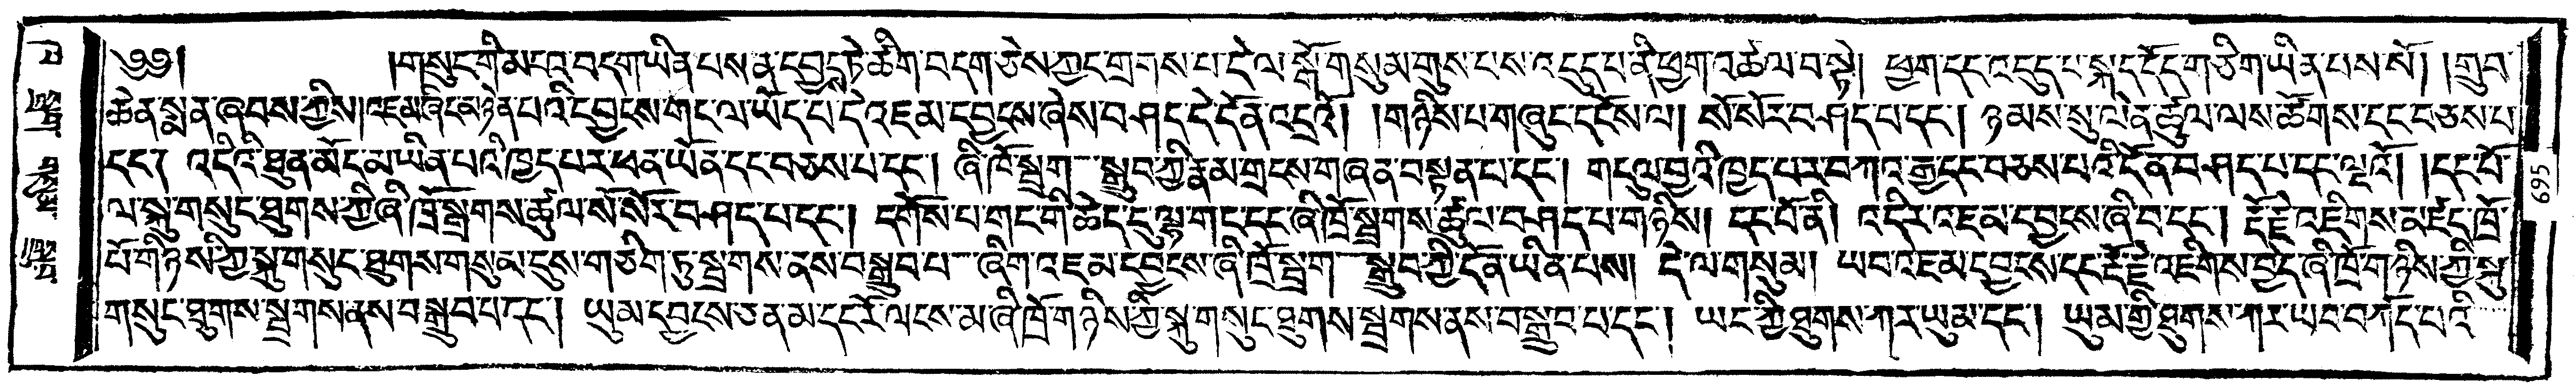༄༅། །གསུང་གི་མངའ་བདག་ཡིན་པས་ན་དབྱངས་ཏེ་ཚིག་བདག་ཅེས་ཀྱང་གྲགས་པ་དེ་ལ་སྒོ་གསུམ་གུས་པས་འདུད་པ་ནི་ཕྱག་འཚལ་བ་སྟེ། ཕྱག་དང་འདུད་པ་སྐད་དོད་གཅིག་ཡིན་པས་སོ། །གྲུབ་
ཆེན་སྨན་ཞབས་ཀྱིས། འཇམ་ཞིང་མཉེན་པའི་དབྱངས་གང་ལ་ཡོད་པ་དེ་འཇམ་དབྱངས་ཞེས་བཤད་དེ་དོན་འདྲའོ། །གཉིས་པ་གཞུང་དངོས་ལ། སོ་སོར་བཤད་པ་དང་། ཉམས་སུ་ལེན་ཚུལ་ལས་ཚོགས་དང་བཅས་པ་
དང༑ འདིའི་ཐུན་མོང་མ་ཡིན་པའི་ཁྱད་པར་ཕན་ཡོན་དང་བཅས་པ་དང་། ཞི་ཁྲོ་སྦྲག་སྒྲུབ་ཀྱི་རྣམ་གྲངས་གཞན་བསྟན་པ་དང་། གདུལ་བྱའི་ཁྱད་པར་བཀའ་རྒྱ་དང་བཅས་པའི་དོན་བཤད་པ་དང་ལྔའོ། །དང་པོ་
ལ་སྐུ་གསུང་ཐུགས་ཀྱི་ཞི་ཁྲོ་སྒྲགས་ཚུལ་སོ་སོར་བཤད་པ་དང་། དགོས་པ་གང་གི་ཆེད་དུ་ལྷ་གང་དང་ཞི་ཁྲོ་སྦྲགས་ཚུལ་བཤད་པ་གཉིས། དང་པོ་ནི། འདིར་འཇམ་དབྱངས་ཞི་བ་དང་། རྡོ་རྗེ་འཇིགས་མཛད་ཁྲོ་
པོ་གཉིས་ཀྱི་སྐུ་གསུང་ཐུགས་གསུམ་དུས་གཅིག་ཏུ་སྦྲགས་ནས་བསྒྲུབ་པ་ཞིག་འཇམ་དབྱངས་ཞི་ཁྲོ་སྦྲག་སྒྲུབ་ཀྱི་དོན་ཡིན་པས། དེ་ལ་གསུམ། ཡབ་འཇམ་དབྱངས་དང་རྡོ་རྗེ་འཇིགས་བྱེད་ཞི་ཁྲོ་གཉིས་ཀྱི་སྐུ་
གསུང་ཐུགས་སྦྲགས་ནས་བསྒྲུབ་པ་དང་། ཡུམ་དབྱངས་ཅན་མ་དང་རོ་ལངས་མ་ཞི་ཁྲོ་གཉིས་ཀྱི་སྐུ་གསུང་ཐུགས་སྦྲགས་ནས་བསྒྲུབ་པ་དང་། ཡང་ཀྱི་ཐུགས་ཀར་ཡུམ་དང་། ཡུམ་གྱི་ཐུགས་ཀར་ཡབ་བཀོད་པའི་